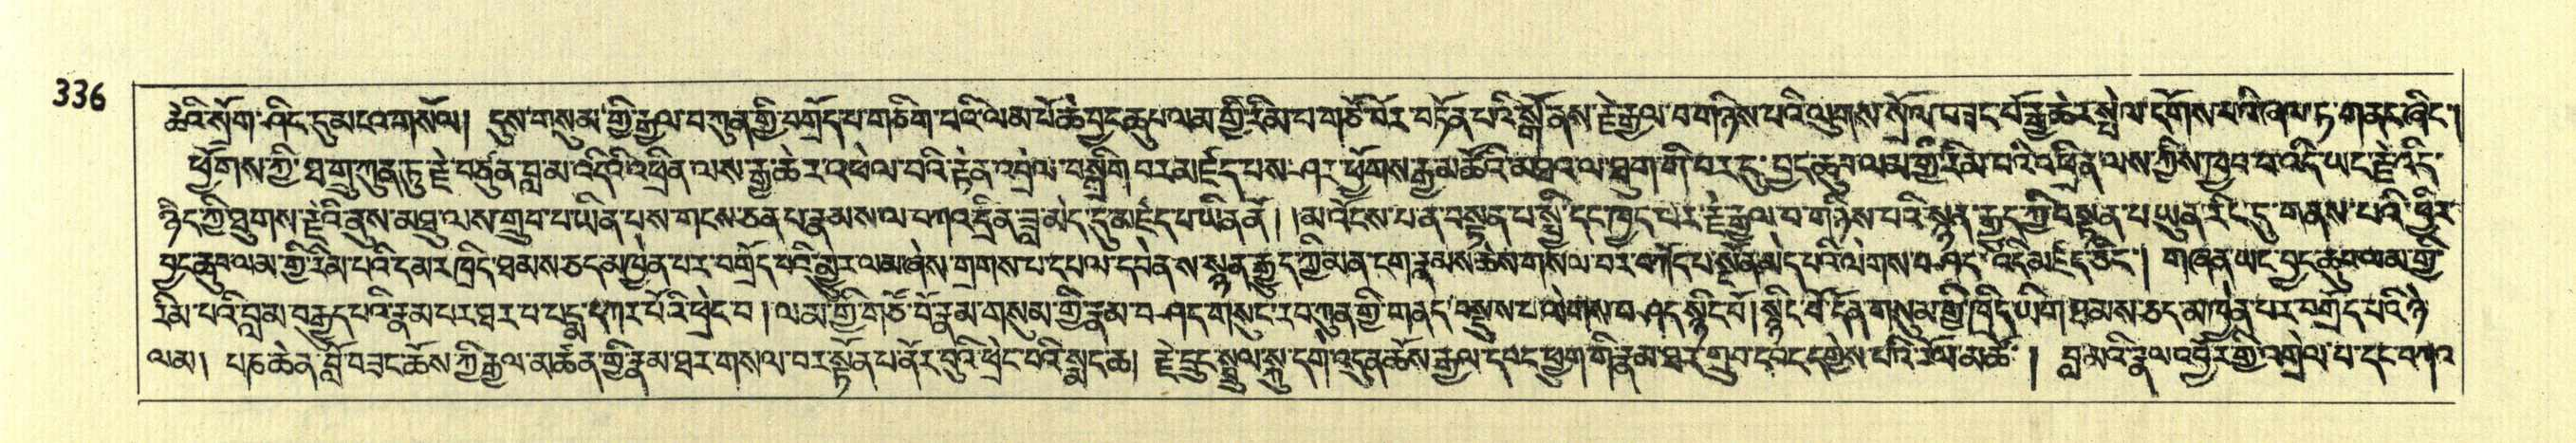ཆེའི་སྲོག་ཤིང་དུ་མངའ་གསོལ། དུས་གསུམ་གྱི་རྒྱལ་བ་ཀུན་གྱི་བགྲོད་པ་གཅིག་པའི་ལམ་པོ་ཆེ་བྱང་ཆུབ་ལམ་གྱི་རིམ་པ་གཙོ་བོར་བཏོན་པའི་སྒོ་ནས་རྗེ་རྒྱལ་བ་གཉིས་པའི་ལུགས་སྲོལ་བཟང་པོ་རྒྱ་ཆེར་སྤེལ་དོགས་པའི་ཞལ་ཏ་གནང་ཞིང་།
ཕྱོགས་ཀྱི་ཐ་གྲུ་ཀུན་ཏུ་རྗེ་བཙུན་བླ་མ་འདིའི་འཕྲིན་ལས་རྒྱ་ཆེར་འཕེལ་བའི་རྟེན་འབྲེལ་བསྒྲིག་བར་མཛད་པས་ཤར་ཕྱོགས་རྒྱ་མཚོའི་མཐའ་ལ་ཐུག་གི་བར་དུ་བྱང་ཆུབ་ལམ་གྱི་རིམ་པའི་འཕྲིན་ལས་ཀྱིས་ཁྱབ་པ་འདི་ཡང་རྗེ་འདི་
ཉིད་ཀྱི་ཐུགས་རྗེའི་ནུས་མཐུ་ལས་གྲུབ་པ་ཡིན་པས་གངས་ཅན་པ་རྣམས་ལ་བཀའ་དྲིན་ཟླ་མེད་དུ་མཛད་པ་ཡིན་ནོ། །མ་འོངས་པ་ན་བསྟན་པ་སྤྱི་དང་ཁྱད་པར་རྗེ་རྒྱལ་བ་གཉིས་པའི་སྙན་རྒྱུད་ཀྱི་བསྟན་པ་ཡུན་རིང་དུ་གནས་པའི་ཕྱིར་
བྱང་ཆུབ་ལམ་གྱི་རིམ་པའི་དམར་ཁྲིད་ཐམས་ཅད་མཁྱེན་པར་བགྲོད་པའི་མྱུར་ལམ་ཞེས་གྲགས་པ་དཔལ་དབེན་ས་སྙན་རྒྱུད་ཀྱི་མན་ངག་རྣམས་ཆེས་གསོལ་བར་བཀོད་པ་སྔོན་མེད་པའི་ལེགས་བཤད་འདི་མཛད་ཅིང་། གཞན་ཡང་བྱང་ཆུབ་ལམ་གྱི་
རིམ་པའི་བླ་མ་བརྒྱུད་པའི་རྣམ་པར་ཐར་པ་པདམར་དཀར་པོའི་འཕྲེང་བ། ལམ་གྱི་གཙོ་བོ་རྣམ་གསུམ་གྱི་རྣམ་བཤད་གསུང་རབ་ཀུན་གྱི་གནད་བསྡུས་པ་ལེགས་བཤད་སྙིང་པོ། སྙིང་པོ་དོན་གསུམ་གྱི་ཁྲིད་ཡིག་ཐམས་ཅད་མཁྱེན་པར་བགྲོད་པའི་ཉེ་
ལམ། པཎ་ཆེན་བློ་བཟང་ཆོས་ཀྱི་རྒྱལ་མཚན་གྱི་རྣམ་ཐར་གསལ་བར་སྟོན་པ་ནོར་བུའི་ཕྲེང་བའི་སྨད་ཆ། རྗེ་དྲུང་སྤྲུལ་སྐུ་དགེ་འདུན་ཆོས་རྒྱལ་དབང་ཕྱག་གི་རྣམ་ཐར་གྲུབ་དབང་དགྱེས་པའི་རོལ་མཚོ། བླ་མའི་རྣལ་འབྱོར་གྱི་འགྲེལ་པ་དང་བཀའ་